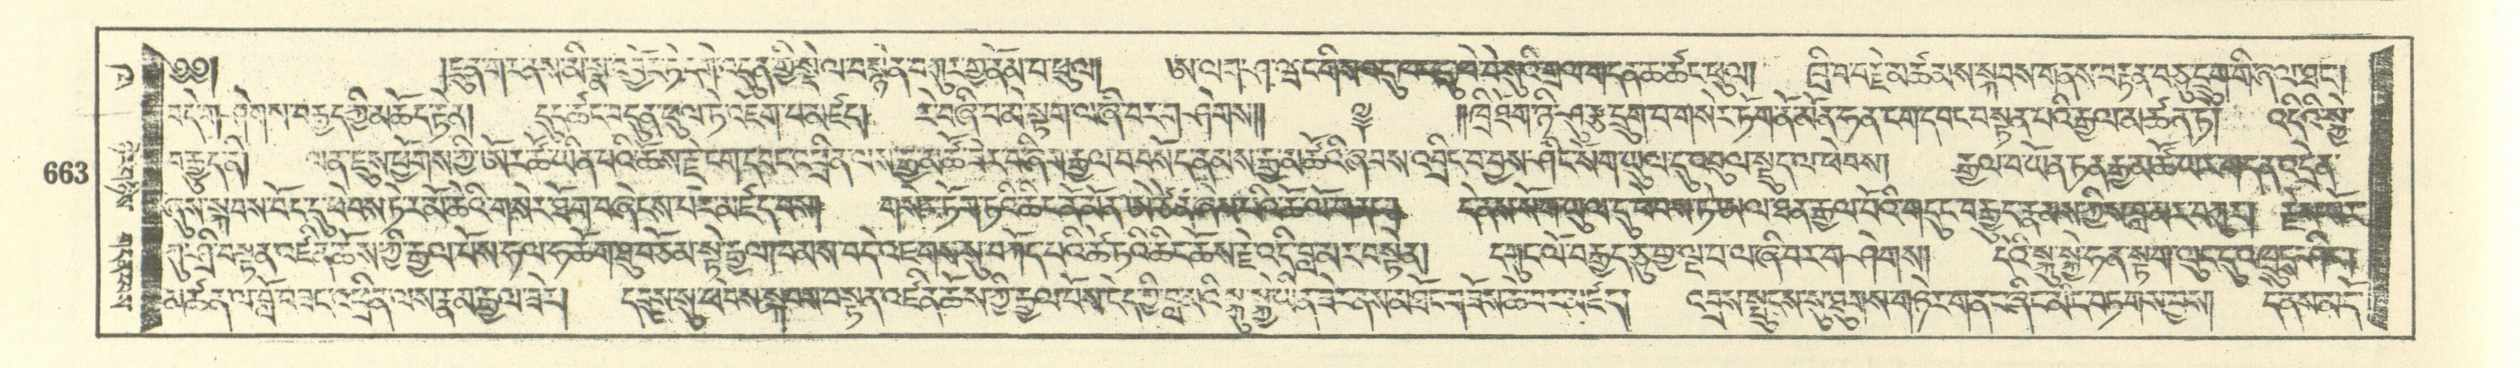༄༅། །ཇུན་གར་ནས་མི་སྣ་འབྱོར་ཏེ་དགེ་འདུན་གྱི་སྡེ་ལ་བསྙེན་བཀུར་གྱ་ནོམ་པ་ཕུལ། ཨ་ལག་ཤ་ཝང་གིས་འདུ་ཁང་དུ་ཁེ་བེ་སུའི་གྲལ་གདན་ཆ་ཚང་ཕུལ། ཁྲི་བ་བརྗེ་མཚམས་སྐབས་གནས་བརྟན་བཅུ་དྲུག་གི་ཞལ་ཐང་།
བདེ་གཤེགས་བརྒྱད་ཀྱི་མཆོད་རྟེན། དུད་ཚང་བདུན་ཕུལ་ཏེ་འཇོག་པ་མཛད། རེ་བཞི་པ་མ་སྟག་ལ་ཞི་བར་གཤེགས།། ༈ །།ཁྲི་ཐོག་ཉི་ཤུ་རྩ་དྲུག་པ་གསེར་ཏོག་ནོ་མོན་ཧན་ངག་དབང་བསྟན་པའི་རྒྱལ་མཚན་ཏེ། འདིའི་སྐྱེ་
བརྒྱུད་ནི། ལན་ཇུས་ཕྱོགས་ཀྱི་ཨོར་ཚོ་ཡིན་པའི་ཆོས་རྗེ་ངག་དབང་འཕྲིན་ལས་རྒྱ་མཚོ་ཟེར་བ་ཞིག་རྒྱལ་བ་བསོད་ནམས་རྒྱ་མཚོའི་ཞབས་འབྲིང་བ་བྱས་ཤིང་སོག་ཡུལ་དུ་འབུལ་སྡུད་ལ་ཕེབས། རྒྱལ་བ་ཡོན་ཏན་རྒྱ་མཚོ་ཡར་གདན་འདྲེན་
ཞུས་སྐབས་བོད་དུ་ཕེབས་ཏེ་ར་མོ་ཆེའི་གསེར་ཐོག་བཞེངས་པར་མཛད་པས། གསེར་ཏོག་ཏའི་ཆིང་ནོ་མོན་ཨེ་ཙེན་ཞེས་པའི་ཆོ་ལོ་གནང་། དེ་ནས་སོག་ཡུལ་དུ་ཕེབས་ཏེ་ཨལ་ཐན་རྒྱལ་པོའི་གདུང་བརྒྱུད་རྣམས་ཀྱིས་བླ་མར་བཀུར། རྗེས་སོར་
ཀུ་ཤྲི་བསྟན་འཛིན་ཆོས་ཀྱི་རྒྱལ་པོས་ཧལ་ཧ་ཆོག་ཐུ་བཅོམ་སྟེ་རྒྱལ་ཁམས་བདེ་འཇགས་སུ་བཀོད་པའི་ཚེ་ཏའི་ཆིང་ཆོས་རྗེ་འདི་བླ་མར་བསྟེན། དགུང་ལོ་བརྒྱད་ཅུ་གྱ་ལྔ་པ་ལ་ཞི་བར་གཤེགས། དེའི་སྐུ་སྐྱེ་ཧན་སྟག་ལུང་དུ་འཁྲུངས་ཤིང་།
མཚན་ལ་བློ་བཟང་འཕྲིན་ལས་རྣམ་རྒྱལ་ཟེར། དབུས་སུ་ཕེབས་སྐབས་བསྟན་འཛིན་ཆོས་ཀྱི་རྒྱལ་བོས་ངེད་ཀྱི་བླ་མའི་སྐུ་སྐྱེ་ཡིན་ཟེར་ནས་མཐོང་གཟོས་ཆེ་བར་མཛད། འབྲས་སྤུངས་སུ་ཐུགས་གཉེར་གནང་ཞིང་མིང་བཏགས་བྱས། དེ་ནས་མདོ་